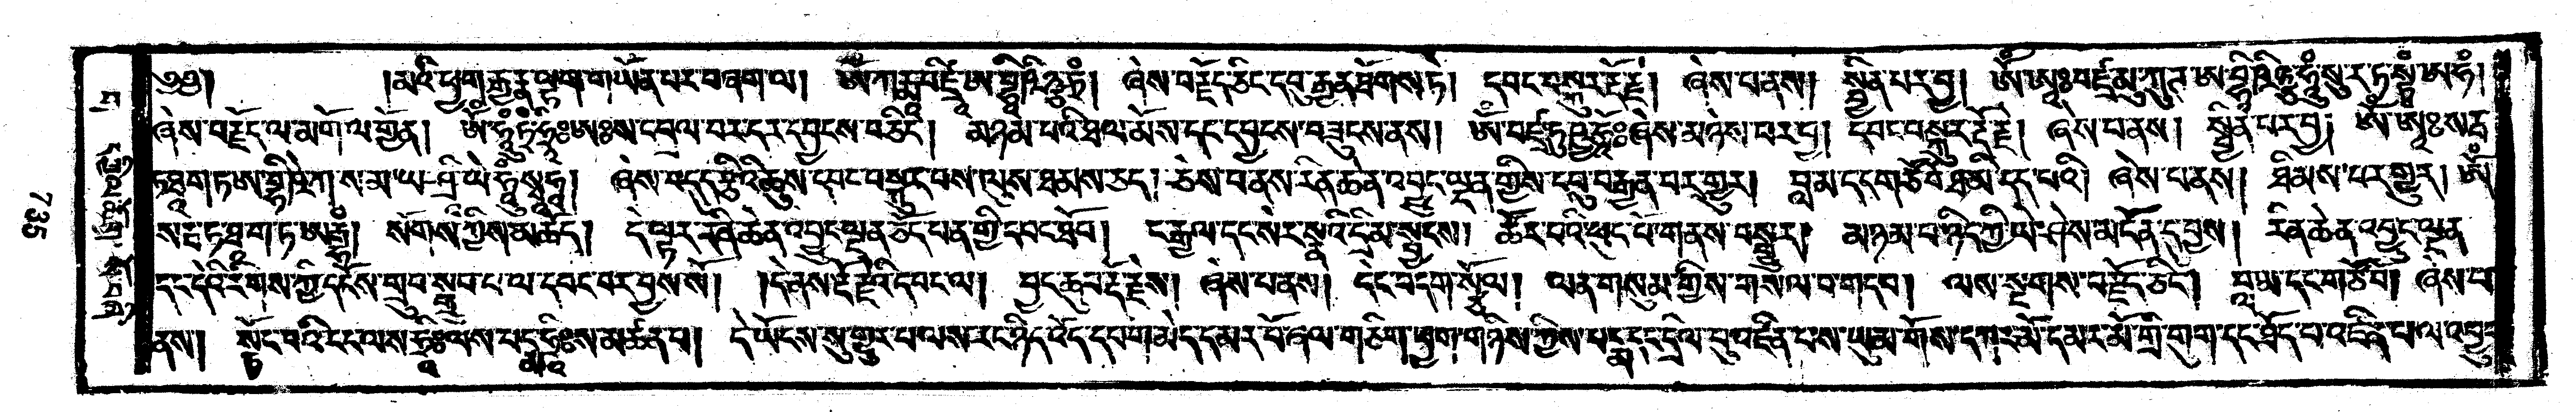༄༅། །མའི་ཕྱག་རྒྱ་རྣ་ལྟག་གཡོན་པར་བཞག་ལ། ཨོཾ་ཀརྨཱ་བཛྲཱི་ཨ་བྷཱི་ཥིཉྩ་ཏྲཾ། ཞེས་བརྗོད་ཅིང་དབུ་རྒྱན་ཐོགས་ཏེ། དབང་བསྐུར་རྡོ་རྗེ། ཞེས་པ་ནས། སྦྱིན་པར་བྱ། ཨོཾ་ཨཱཿབཛྲ་མུ་ཀུཊ་ཨ་བྷཱི་ཥིཉྩ་ཧཱུཾ་སུ་ར་ཏ་སྟྭཾ་ཨ་ཧཾ།
ཞེས་བརྗོད་ལ་མགོ་ལ་གྱོན། ཨོཾ་ཧཱུཾ་ཏྲཾ་ཧྲཱིཿ ཨཿ ས་དབྲལ་བར་དར་དབྱངས་བཅིང་། མཉམ་པའི་ཐལ་མོས་དང་དབྱངས་བཟུངས་ནས། ཨོཾ་བཛྲ་ཏུཥྱ་ཧརOHཞེས་མཉེས་པར་བྱ། དབང་བསྐུར་རྡོ་རྗེ། ཞེས་པ་ནས། སྦྱིན་པར་བྱ། ཨོཾ་ཨཱཿསརྦ་
ཏ་ཐཱ་ག་ཏ་ཨ་བྷི་ཥེ་ཀ་ས་མ་ཡ་ཤྲཱི་ཡེ་ཧཱུཾ་སྭཱཧཱ། ཞེས་བདུད་རྩིའི་ཆུས་དབང་བསྐུར་བས་ལུས་ཐམས་ཅད། ཅེས་པ་ནས་རིན་ཆེན་འབྱུང་ལྡན་གྱིས་དབུ་བརྒྱན་བར་གྱུར། བླ་མ་དང་གཙོ་བོ་ཐ་མི་དད་པའོ། ཞེས་པ་ནས། ཐིམས་པར་གྱུར། ཨོཾ་
སརྦ་ཏ་ཐཱ་ག་ཏ་ཨརྒྷཾ། སོགས་ཀྱིས་མཆོད། དེ་ལྟར་རིན་ཆེན་འབྱུང་ལྡན་ཅོད་པན་གྱི་དབང་ཐོབ། ང་རྒྱལ་དང་སེར་སྣའི་དྲི་མ་སྦྱངས། ཚོར་བའི་ཕུང་པོ་གནས་བསྒྱུར། མཉམ་པ་ཉིད་ཀྱི་ཡེ་ཤེས་མངོན་དུ་བྱས། རིན་ཆེན་འབྱུང་ལྡན་
དང་དེའི་རིགས་ཀྱི་དངོས་གྲུབ་སྒྲུབ་པ་ལ་དབང་བར་བྱས་སོ། །དེ་ནས་རྡོ་རྗེའི་དབང་ལ། བྱང་ཆུབ་རྡོ་རྗེས། ཞེས་པ་ནས། དེང་བདག་སྩོལ། ལན་གསུམ་གྱིས་གསལ་བ་གདབ། ལས་སྔགས་བརྗོད་ཅིང་། བླ་མ་དང་གཙོ་བོ། ཞེས་པ་
ནས། སྟོང་པའི་ངང་ལས་ཧྲཱིཿལས་པདམ་ཧྲཱིཿ ས་མཚན་པ། དེ་ཡོངས་སུ་གྱུར་པ་ལས་རང་ཉིད་འོད་དཔག་མེད་དམར་པོ་ཞལ་གཅིག་ཕྱག་གཉིས་ཀྱིས་པདམ་དང་དྲིལ་བུ་འཛིན་པས་ཡུམ་གོས་དཀར་མོ་དམར་མོ་གྲི་གུག་དང་ཐོད་པ་འཛིན་པ་ལ་འབྱུང་